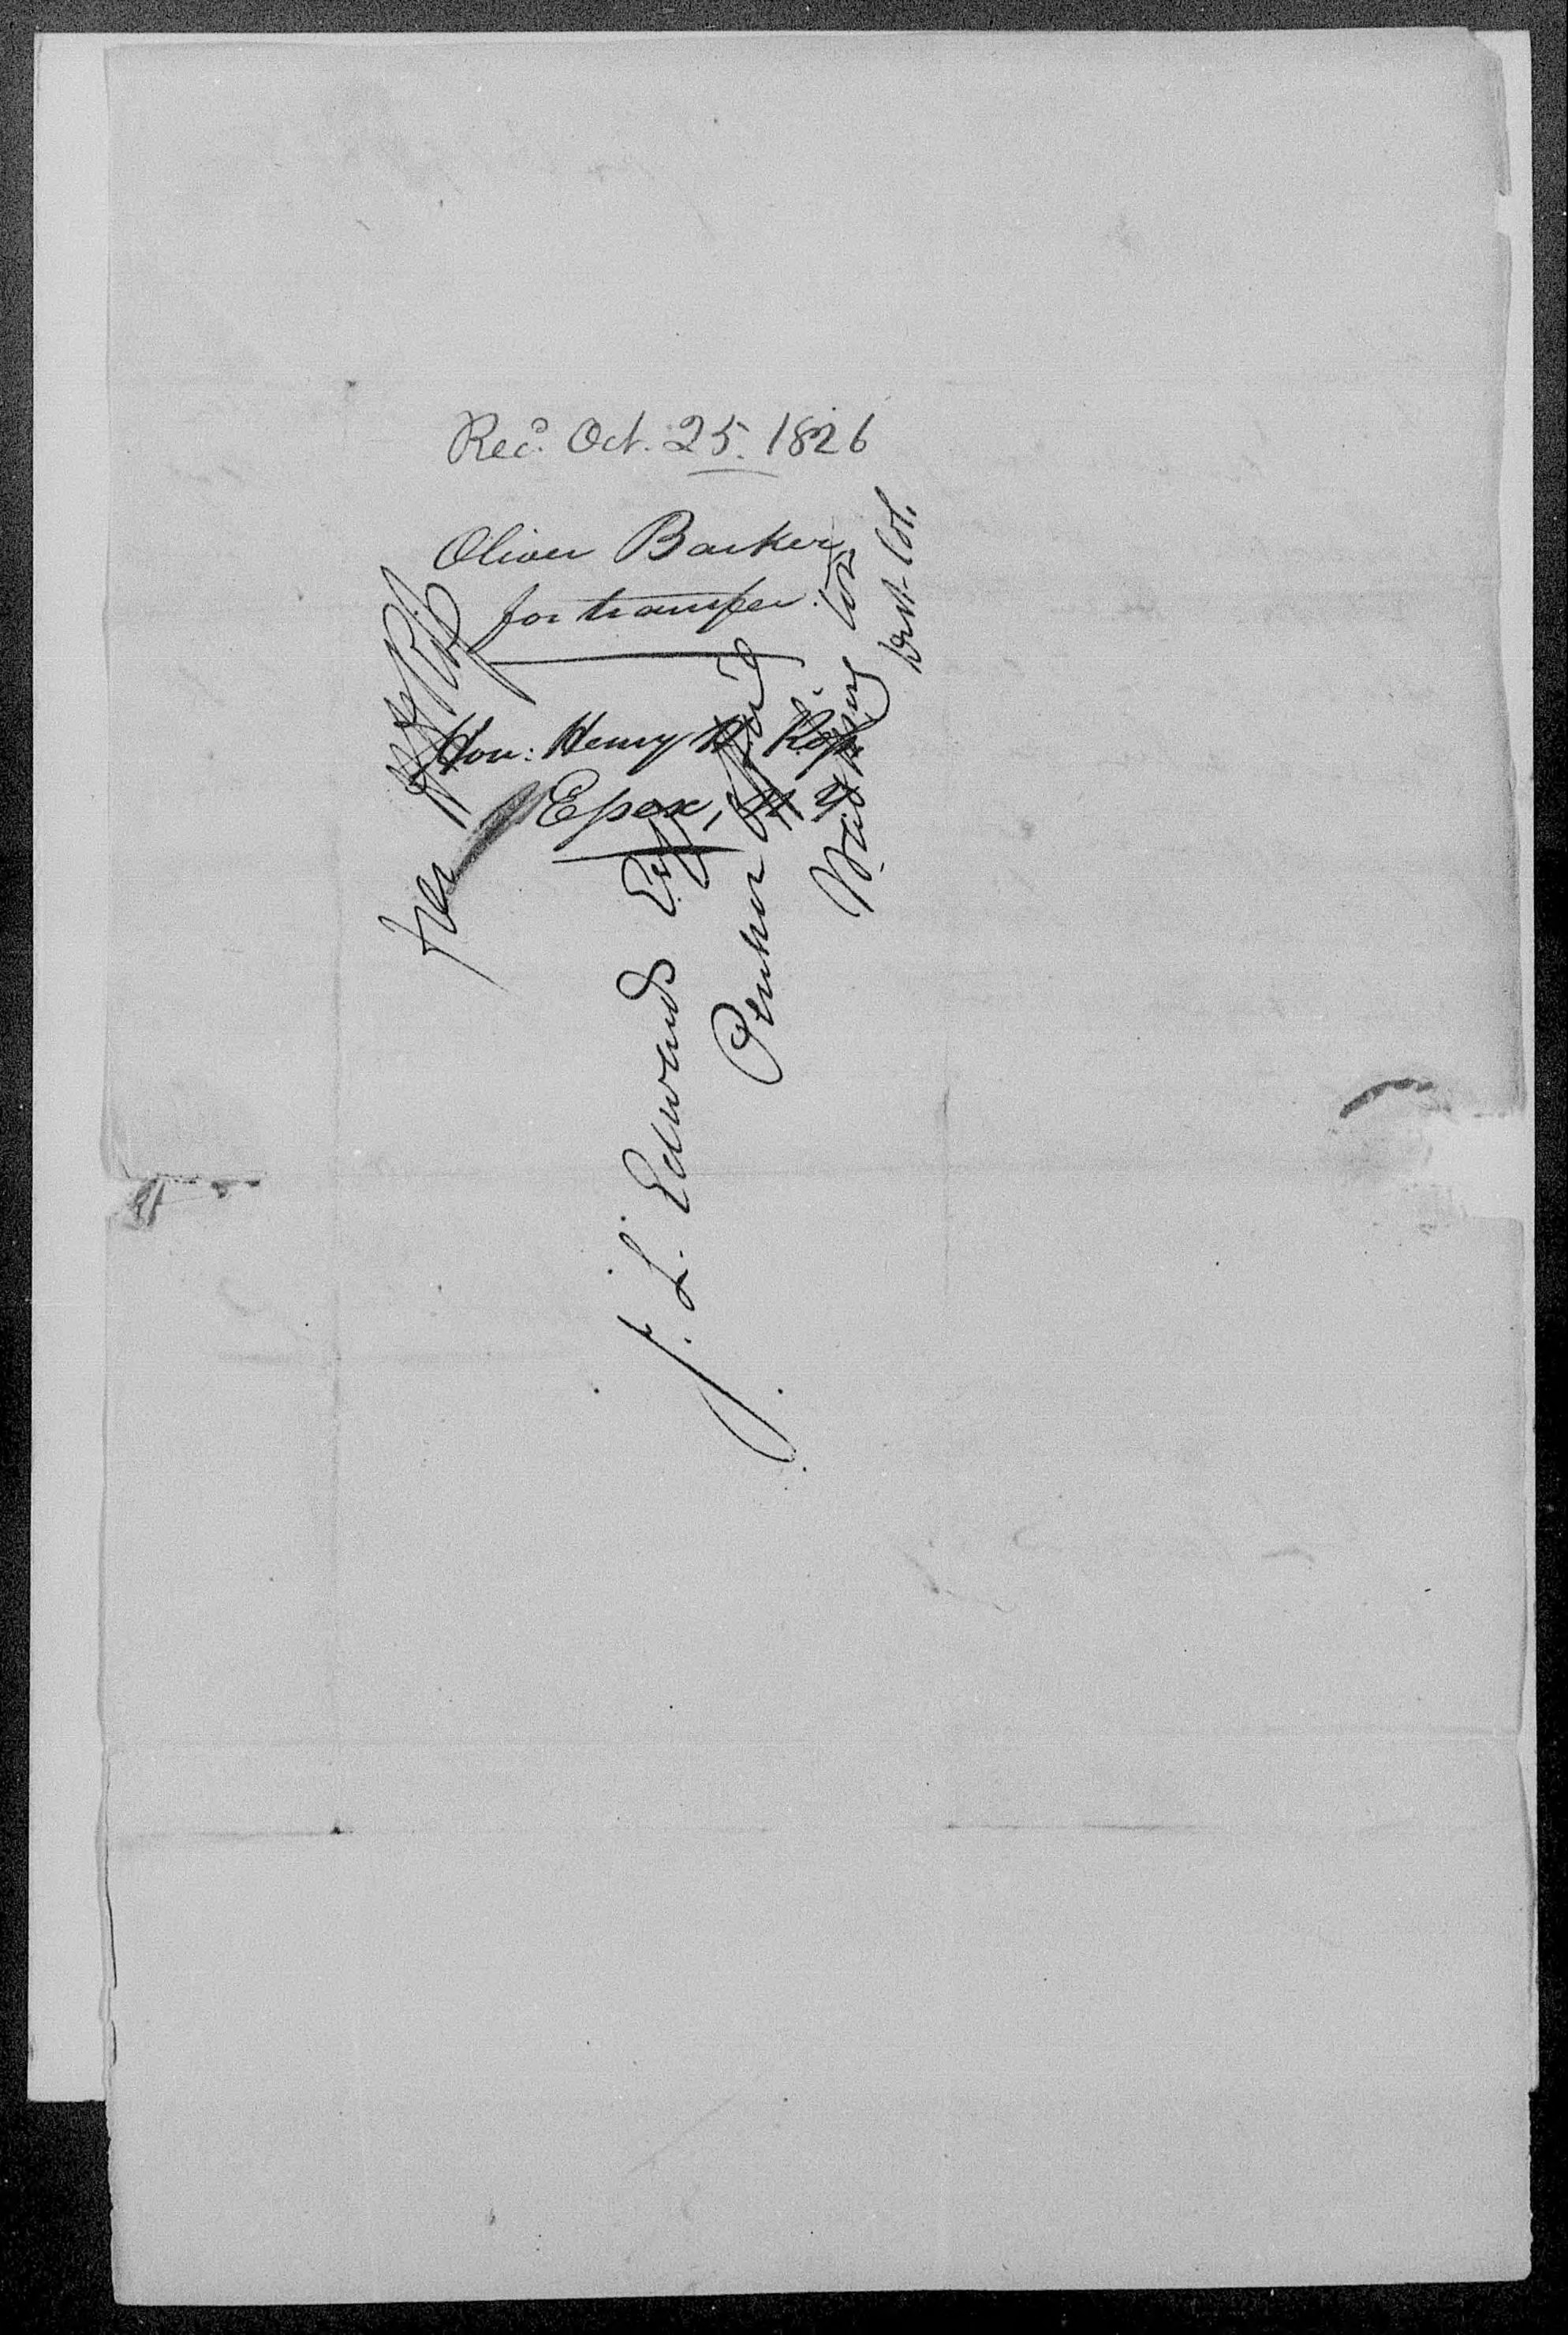Rec’d Oct 25 1826
Oliver Barker
For transfer
Hon Henry H. Ross
Essex NY
Free
H H Ross
J. L. Edwards 
Pension Office 
Washington Dist Col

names: J L Edwards, Oliver Barker, Henry H Ross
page: 33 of 51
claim: widow's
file: W. 1698, Oliver Barker, Conn.